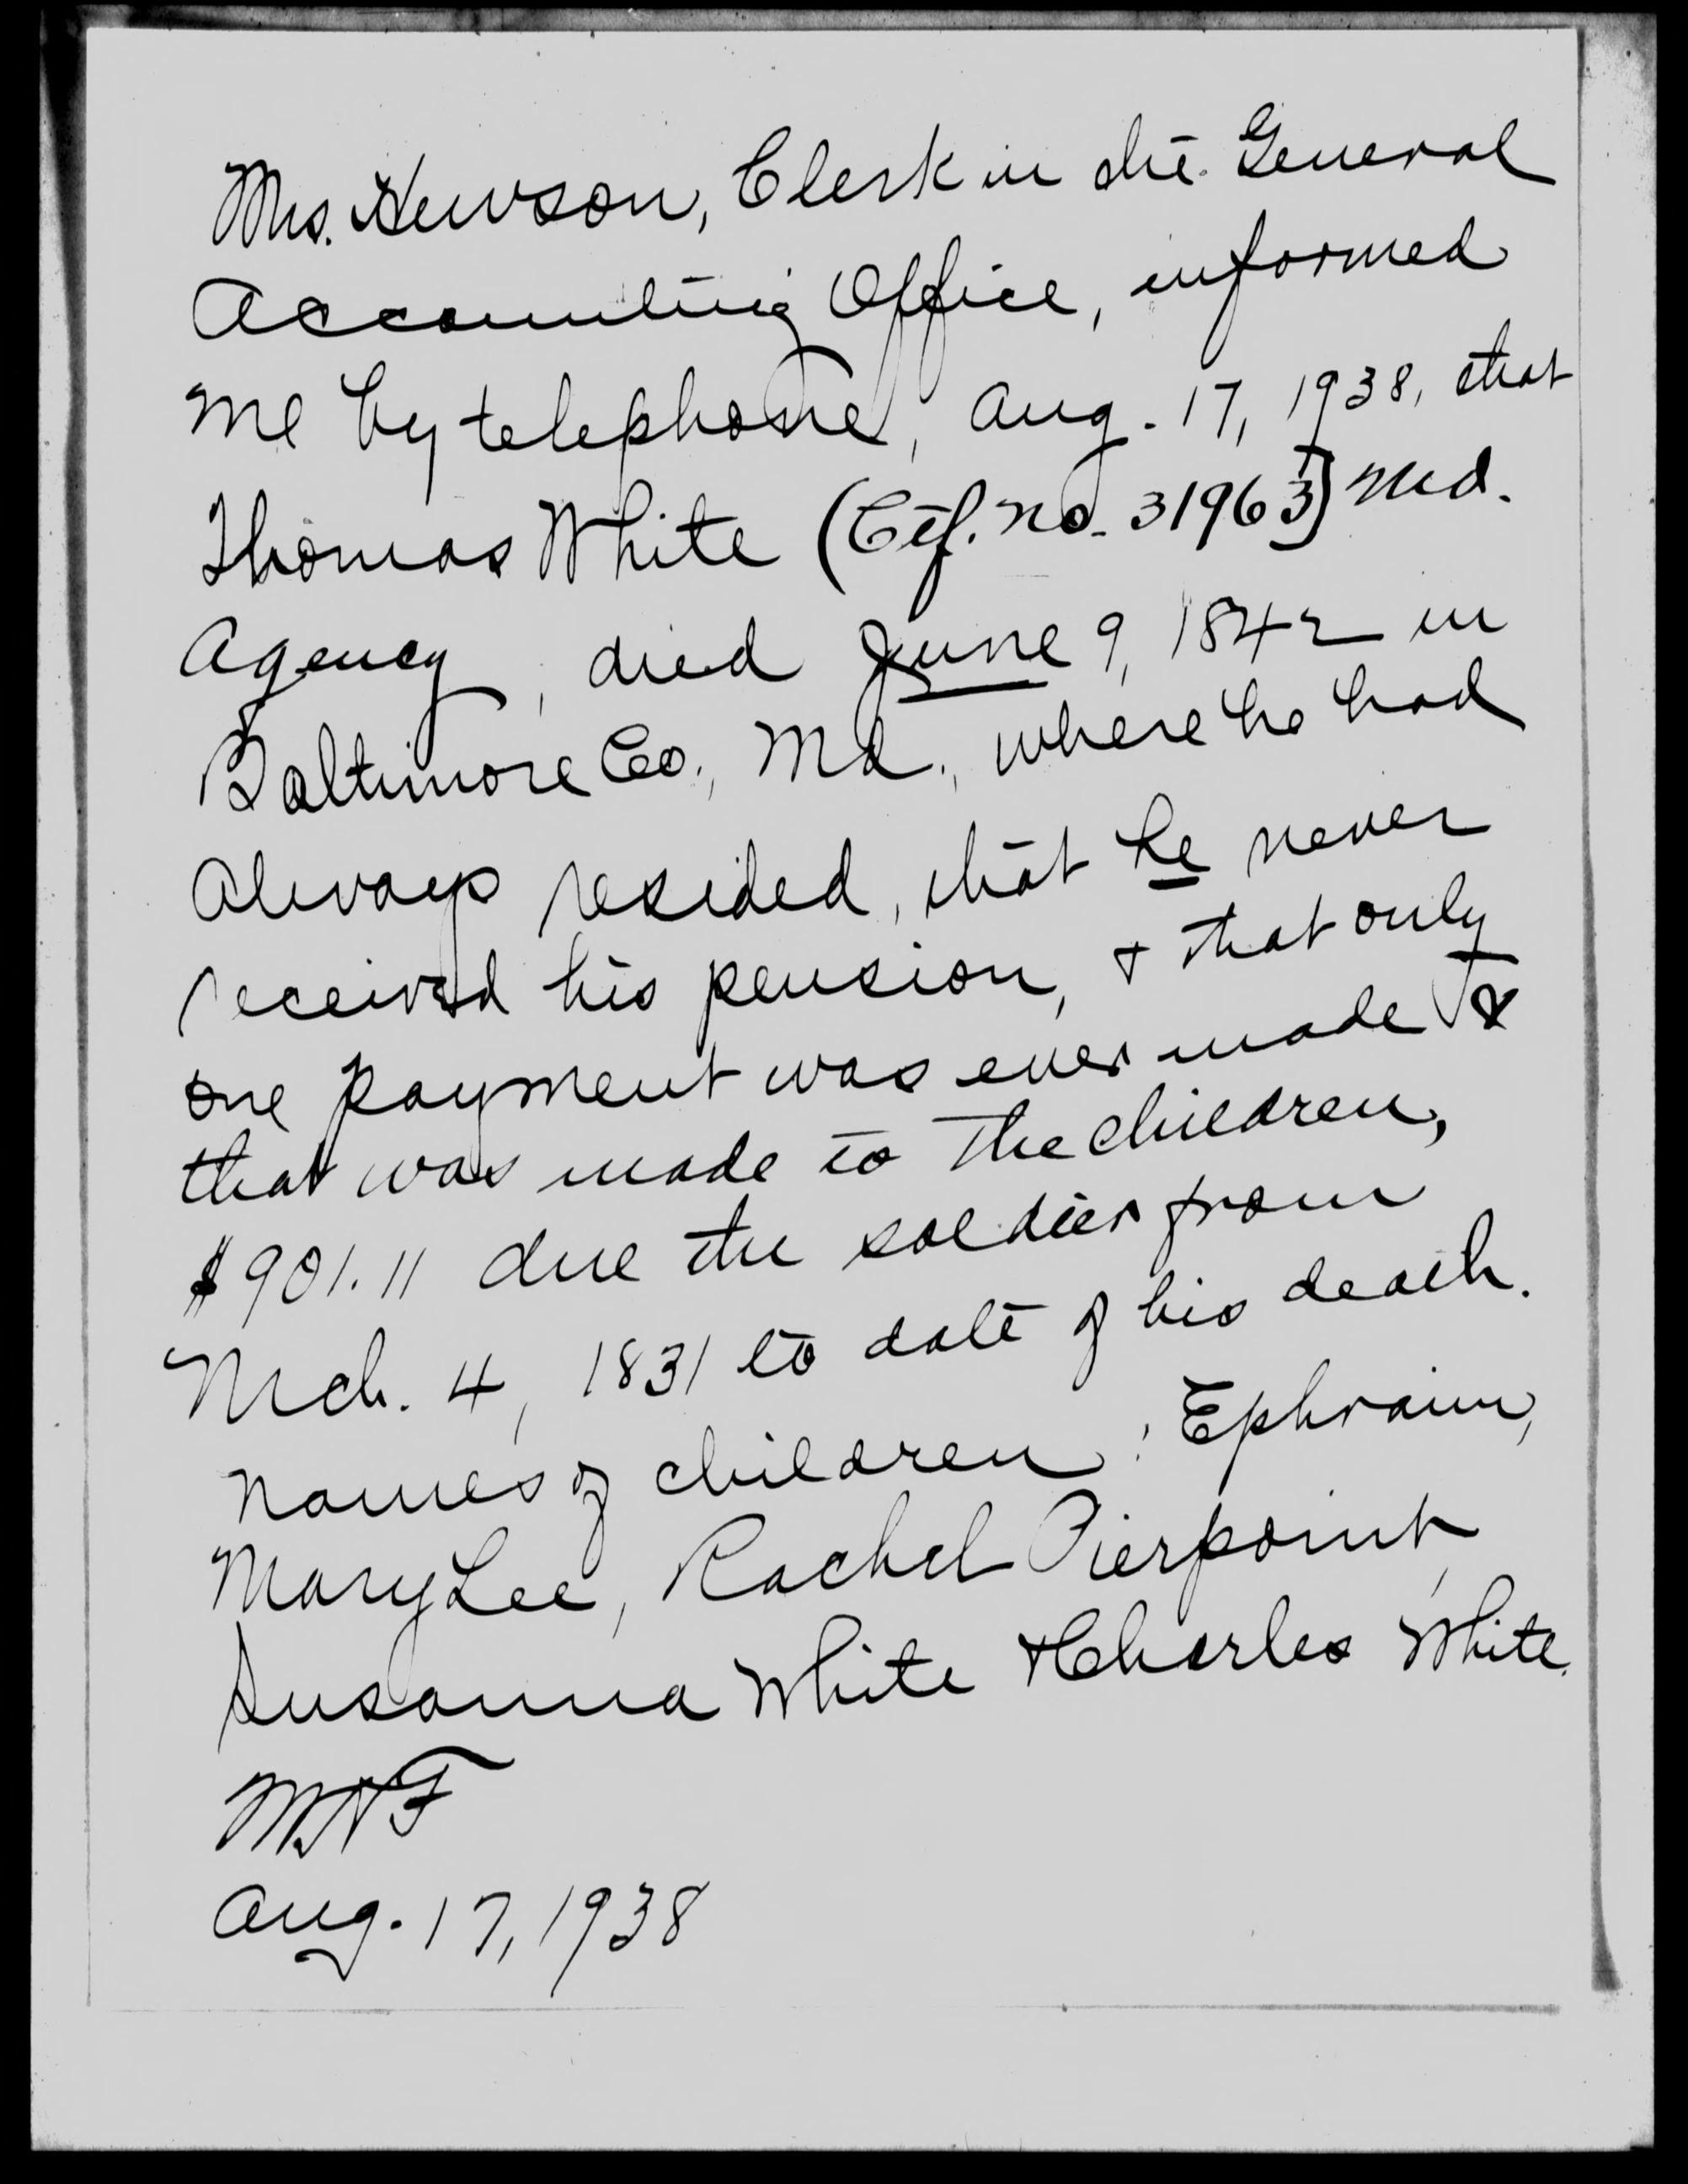Mrs. Hewson, Clerk in the General 
Accounting Office, informed 
me by telephone, Aug. 17, 1938, that 
Thomas White (Ctf. No. 31963) Md. 
Agency, died June 9, 1842 in 
Baltimore Co., Md., where he had 
always resided, that he never 
received his pension, & that only 
one payment was ever made & 
that was made to the children,
$901.11 due the soldier from 
Mch 4, 1831 to date of his death.
Names of children: Ephraim, 
Mary Lee, Rachel Pierpoint, 
Susanna White & Charles White.
MHF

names: Thomas White, Hewson, Mary Lee, Rachel Pierpoint, Ephraim, Susanna White, Charles White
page: 43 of 43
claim: survivor's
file: S. 15240, Thomas White, Md.